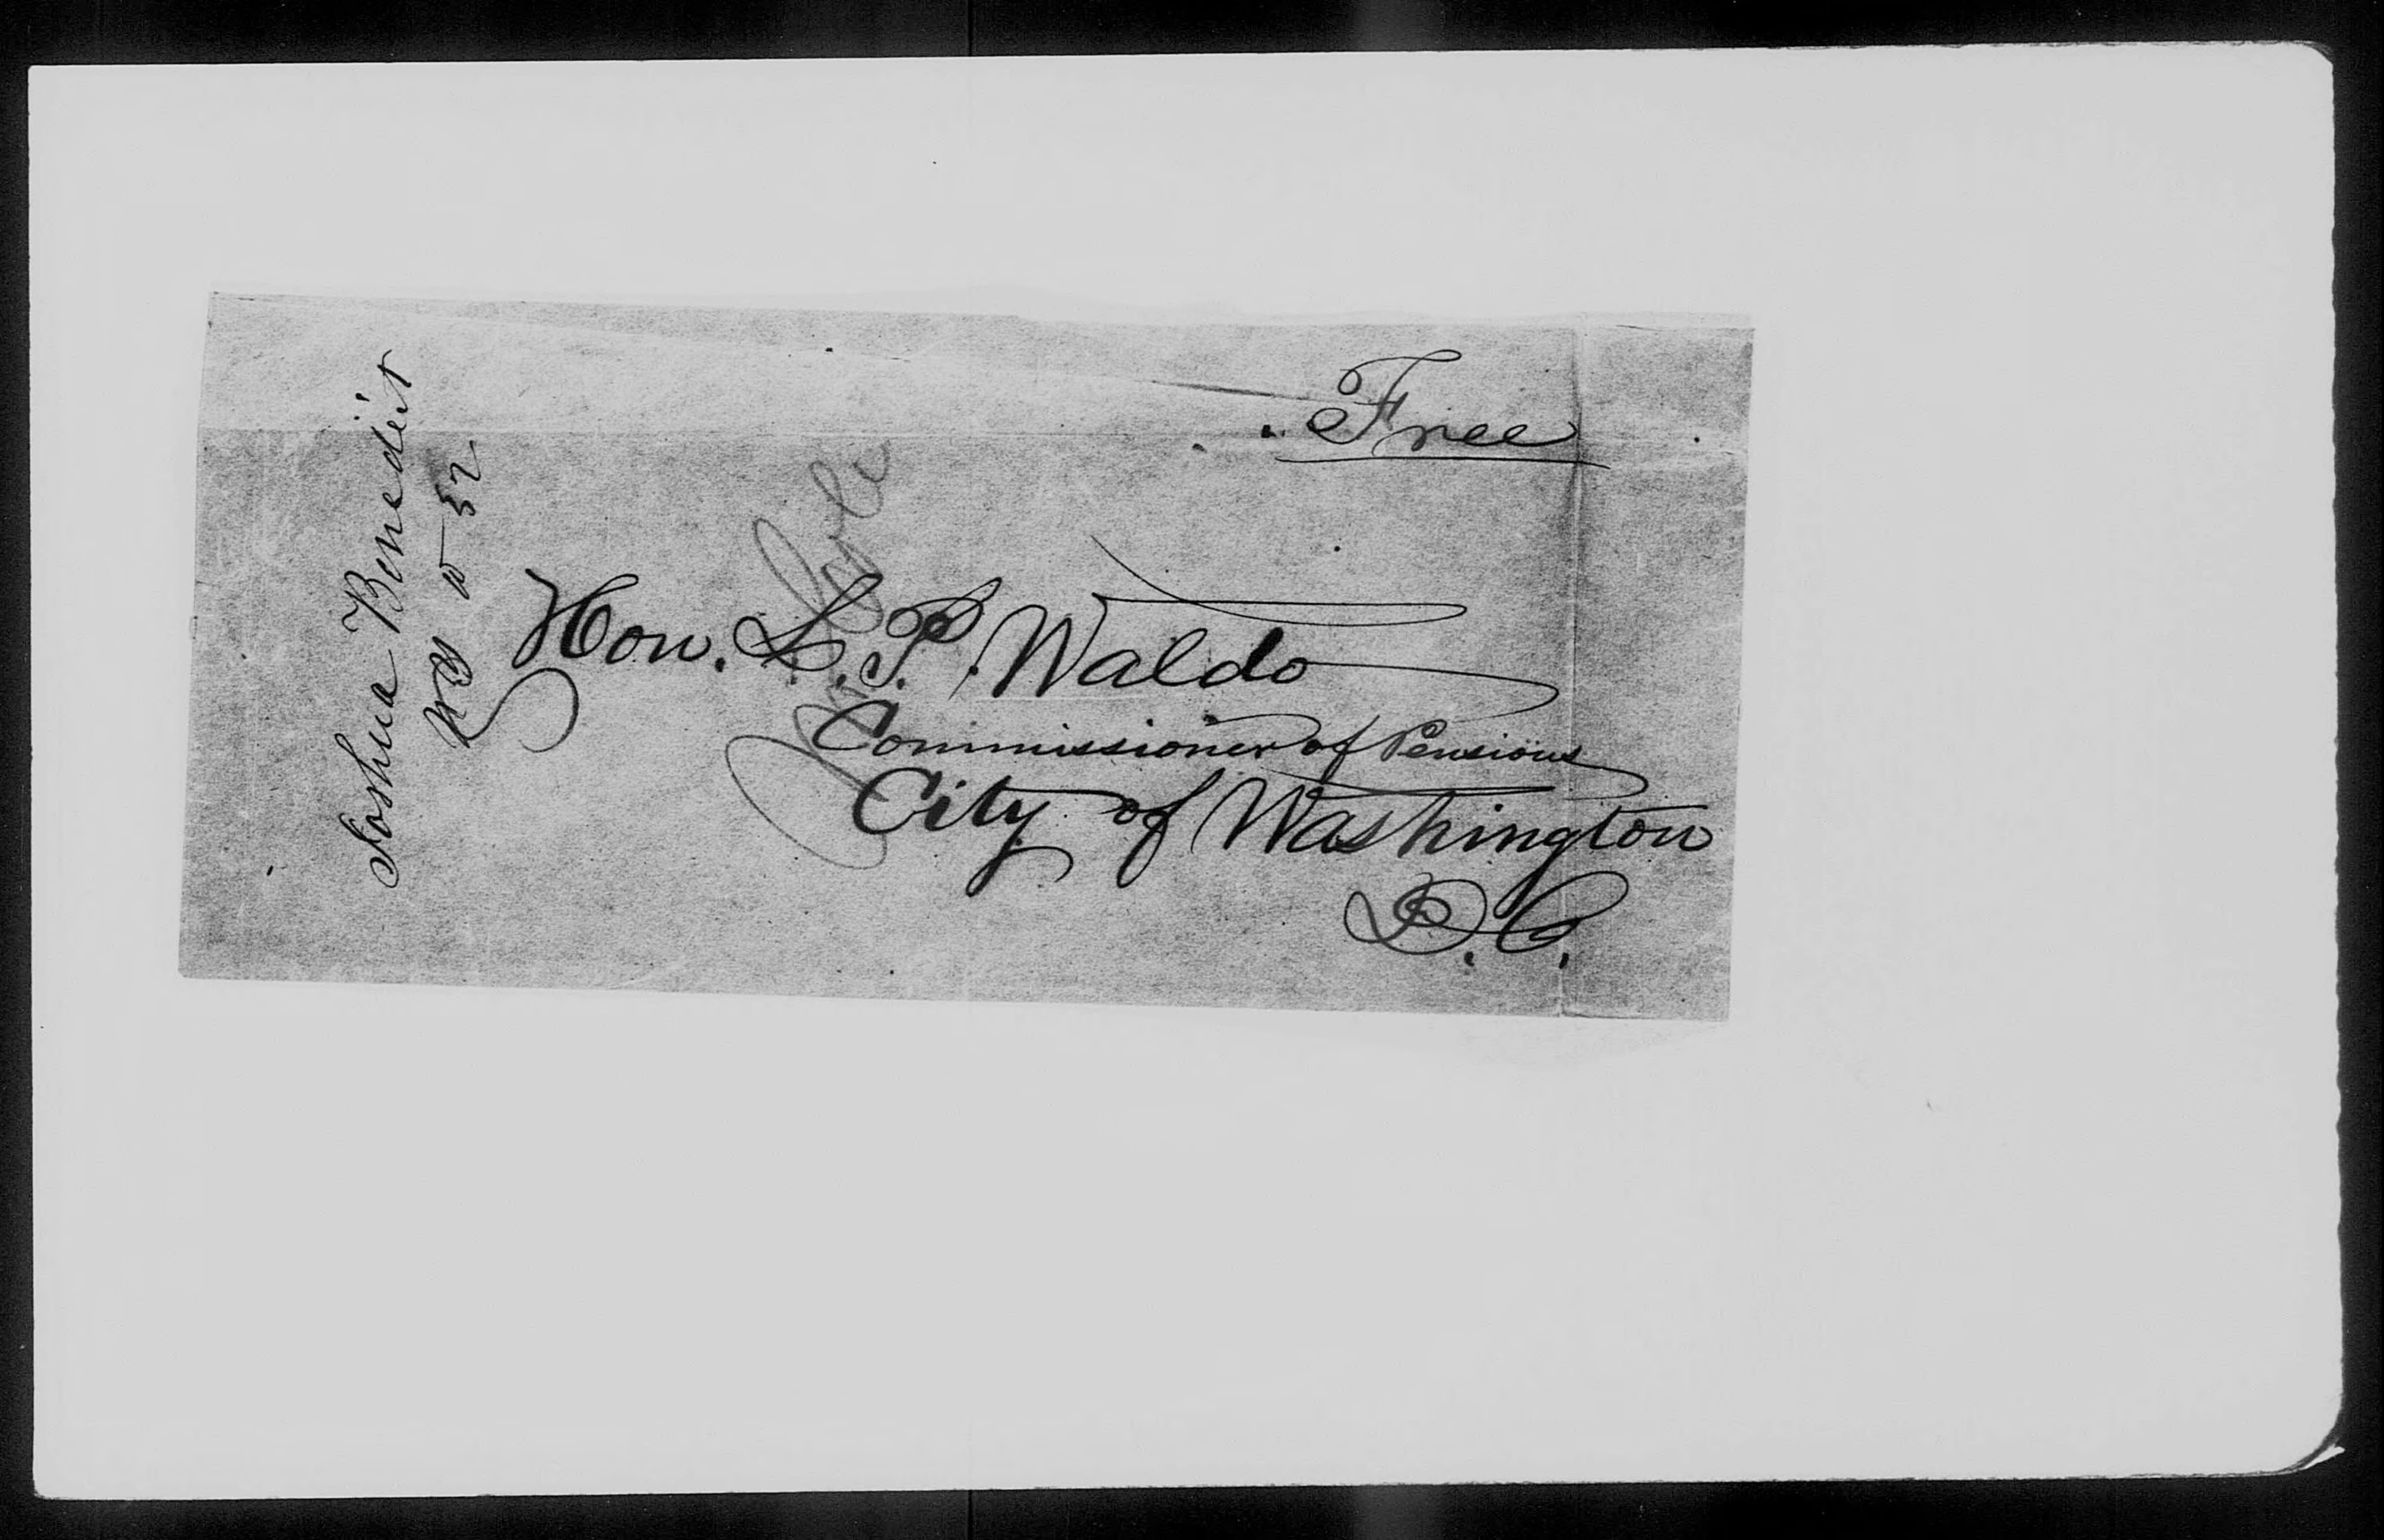Free

Hon. L. P. Waldo
Commissioner of Pensions
City of Washington D.C.

[up right side and center] Joshua Benedict
N. Y. [illegible] 32

M Cole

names: Joshua Benedict, L P Waldo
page: 15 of 106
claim: survivor's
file: S 23,116., Joshua Benedict, Conn.